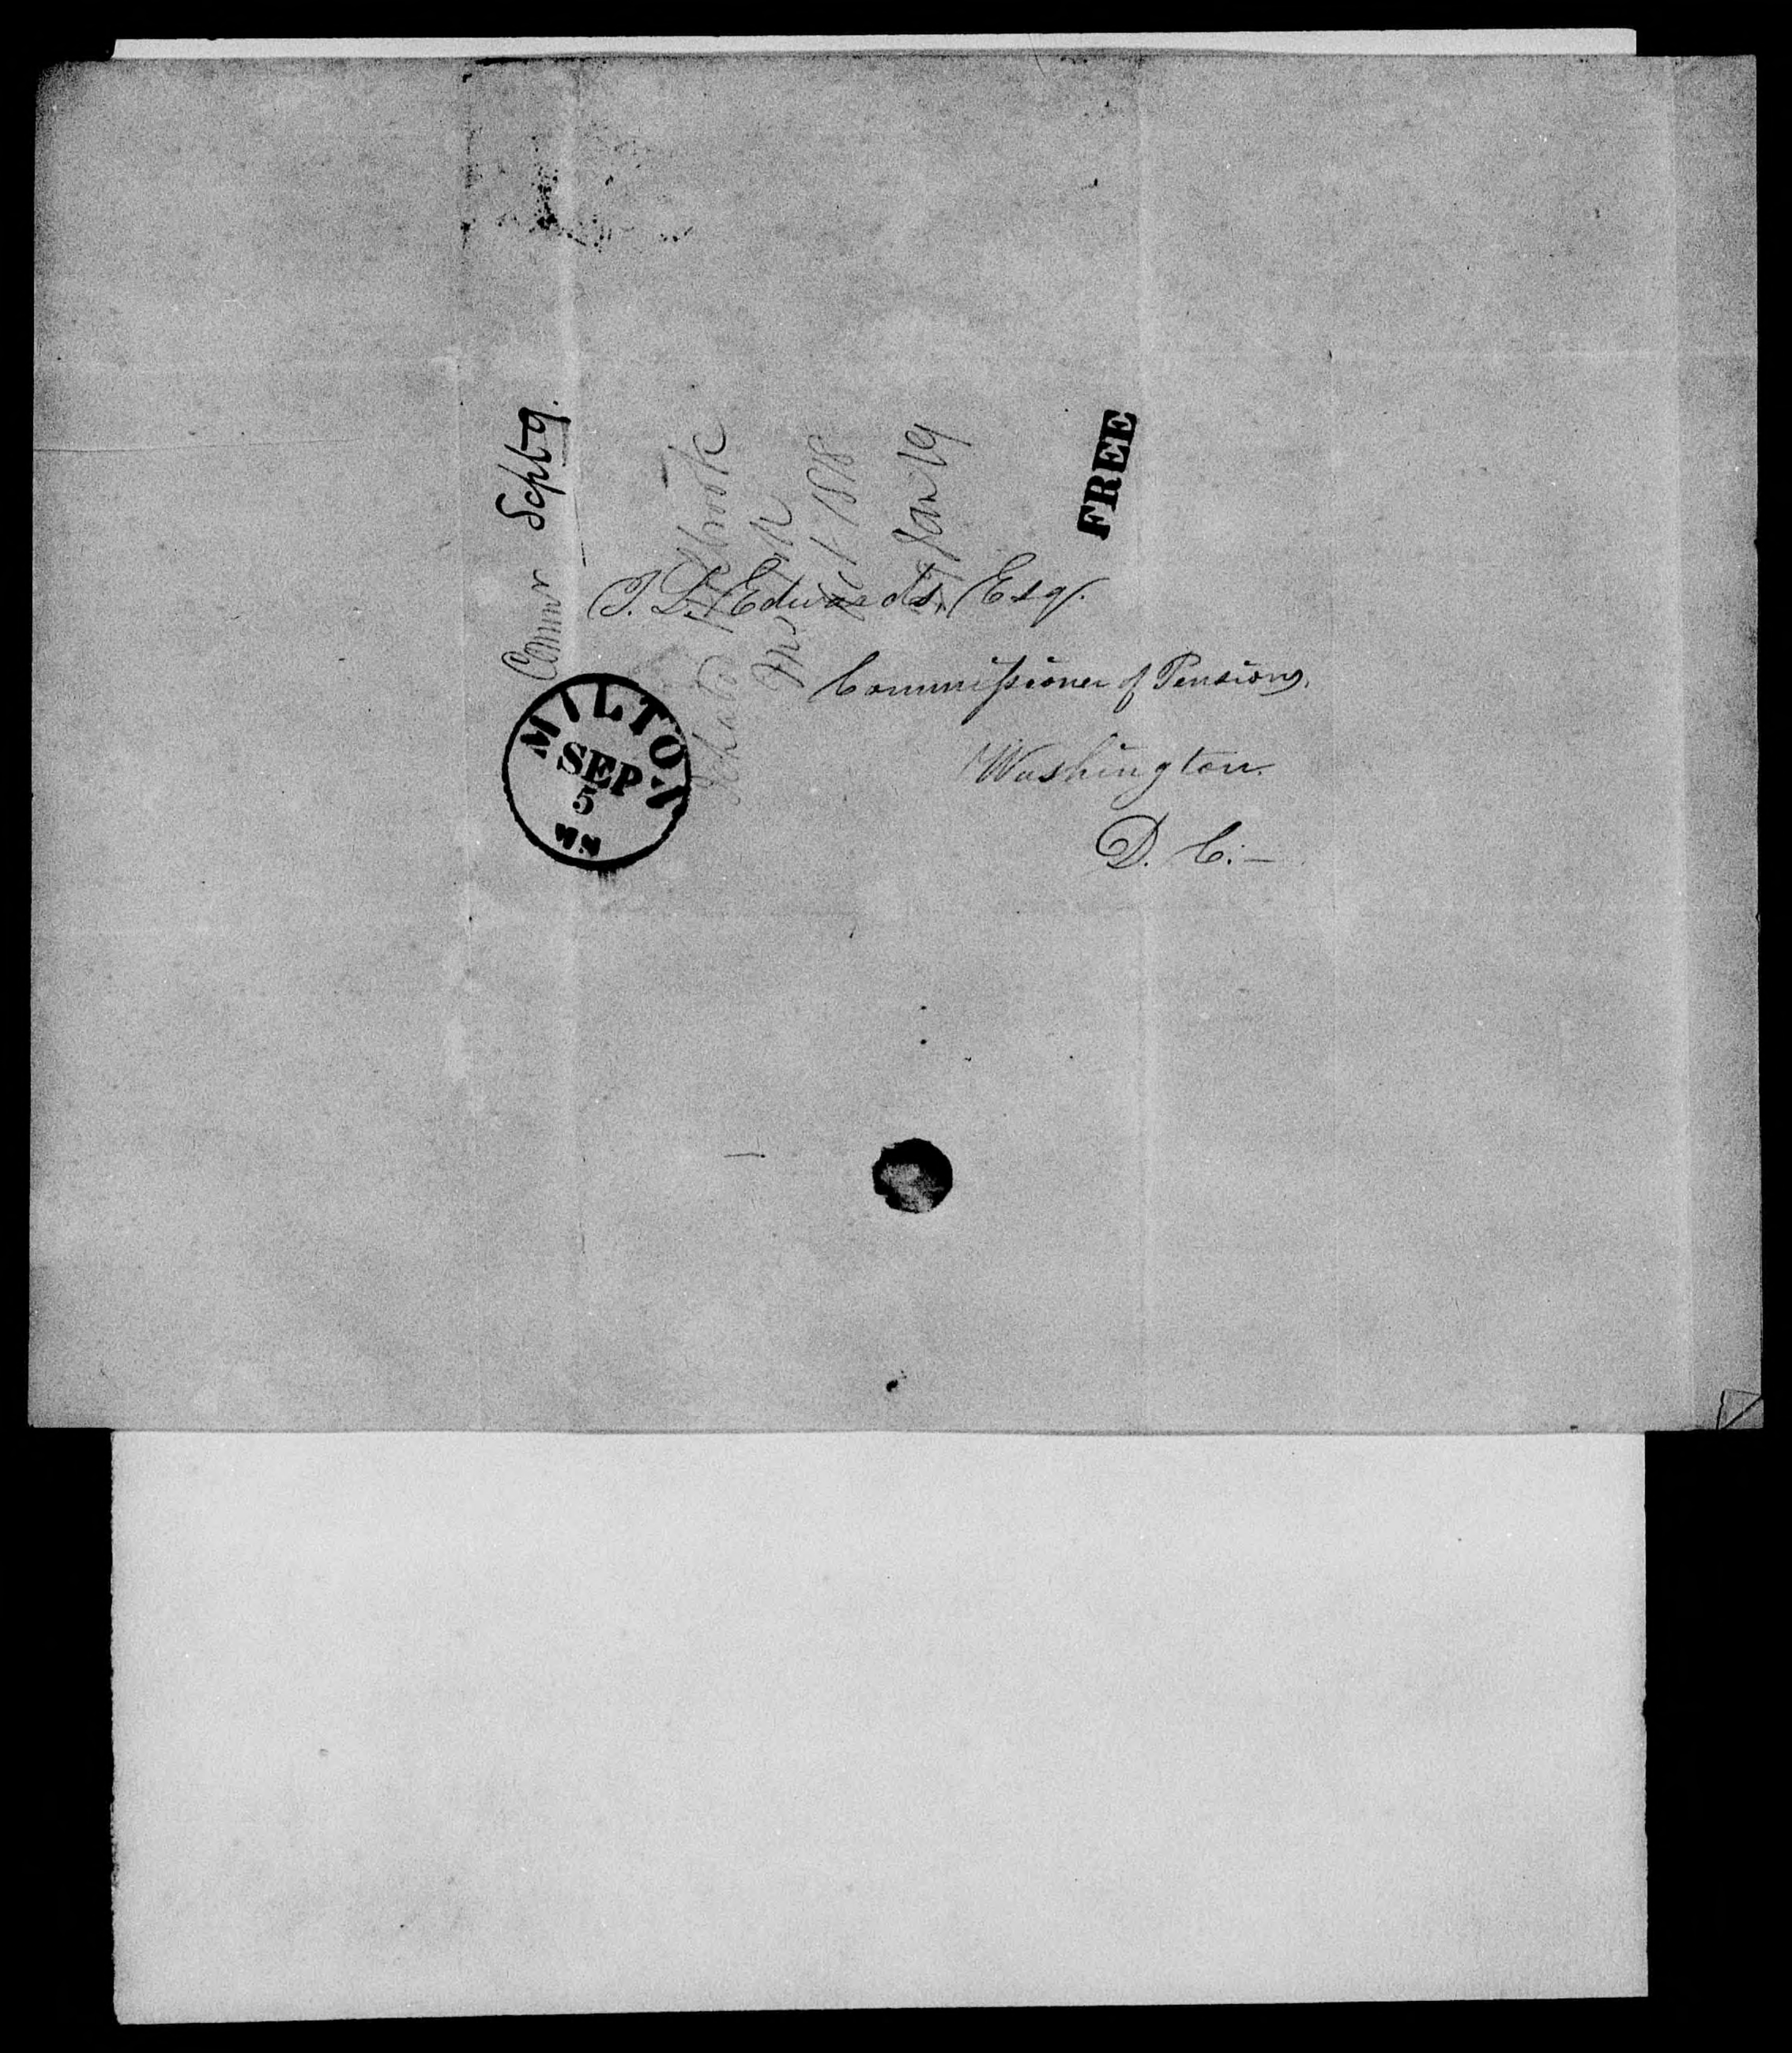J.L. Edwards Esq.
Commissioner of Pensions
Washington 
D.C. 7 
FREE [postal stamp] MILTON SEP 5 MN
[written sideways] Comms. Sept.
Ichabod Holbrook
Ins Priv [?]
Act 1818
29 Jan 19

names: Ichabod Holbrook, J L Edwards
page: 7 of 15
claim: survivor's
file: S. 32,852, Ichabod Holbrook, Continental Mass.